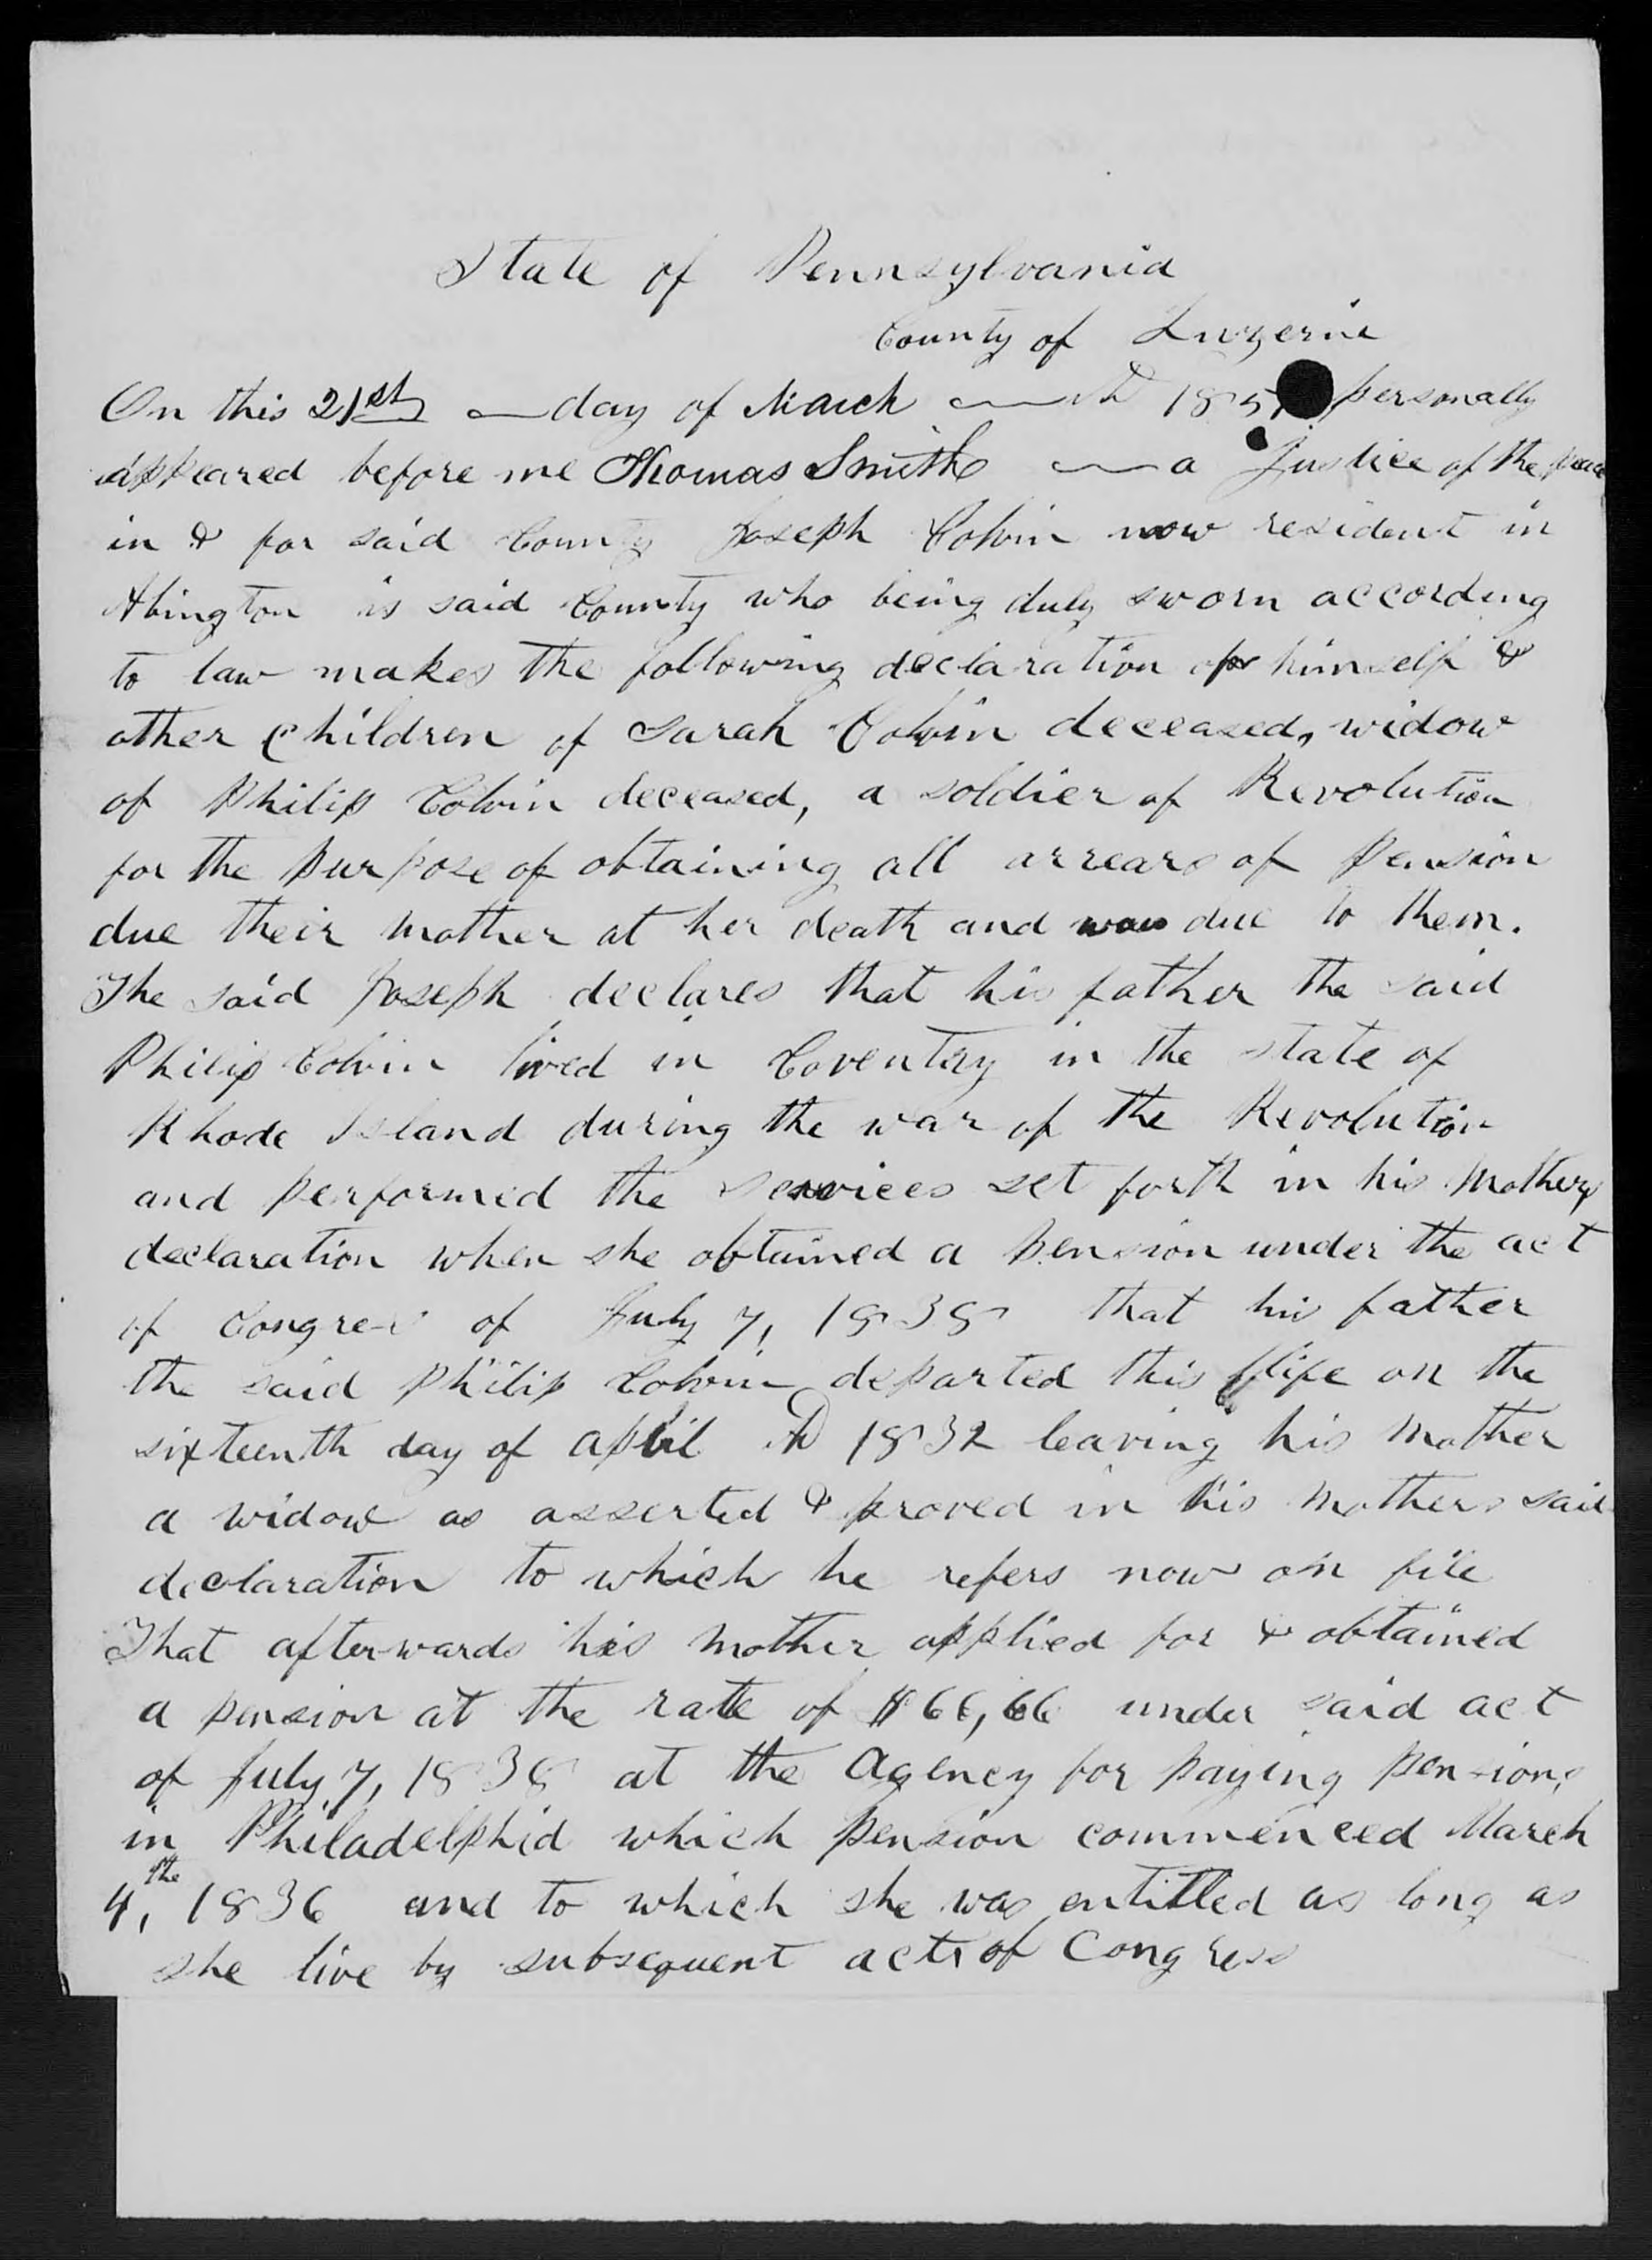State of Pennsylvania County of Luzerne
On this 21st day of March A.D. 1857 personally appeared before me Thomas Smith a Justice of the peace in & for said county Joseph Colvin now resident in Abington in said county who being duly sworn according to law makes the following declaration for himself & other children of Sarah Colvin deceased, widow of Philip Colvin deceased, a soldier of Revolution for the purpose of obtaining all arrears of pension due their mother at her death and was due to them. The said Joseph declares that his father the said Philip Colvin lived in Coventry in the state of Rhode Island during the war of the Revolution and performed the services set forth in his mothers declaration when she obtained a pension under the act of Congress of July 7, 1838. That his father the said Philip Colvin departed this life on the sixteenth day of April A.D. 1832 leaving his mother a widow as asserted & proved in his mothers said declaration to which he refers now on file. That afterwards his mother applied for & obtained a pension at the rate of $66.66 under said act of July 7, 1838 at the agency for paying pensions in Philadelphia which pension commenced March 4th, 1836 and to which she was entitled as long as she live by subsequent act of Congress.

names: Philip Colvin, Sarah Colvin, Philip Colvin, Joseph, Joseph Colvin, Philip Colvin, Thomas Smith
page: 8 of 41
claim: widow's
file: W. 3513, Philip Colvin, R.I.